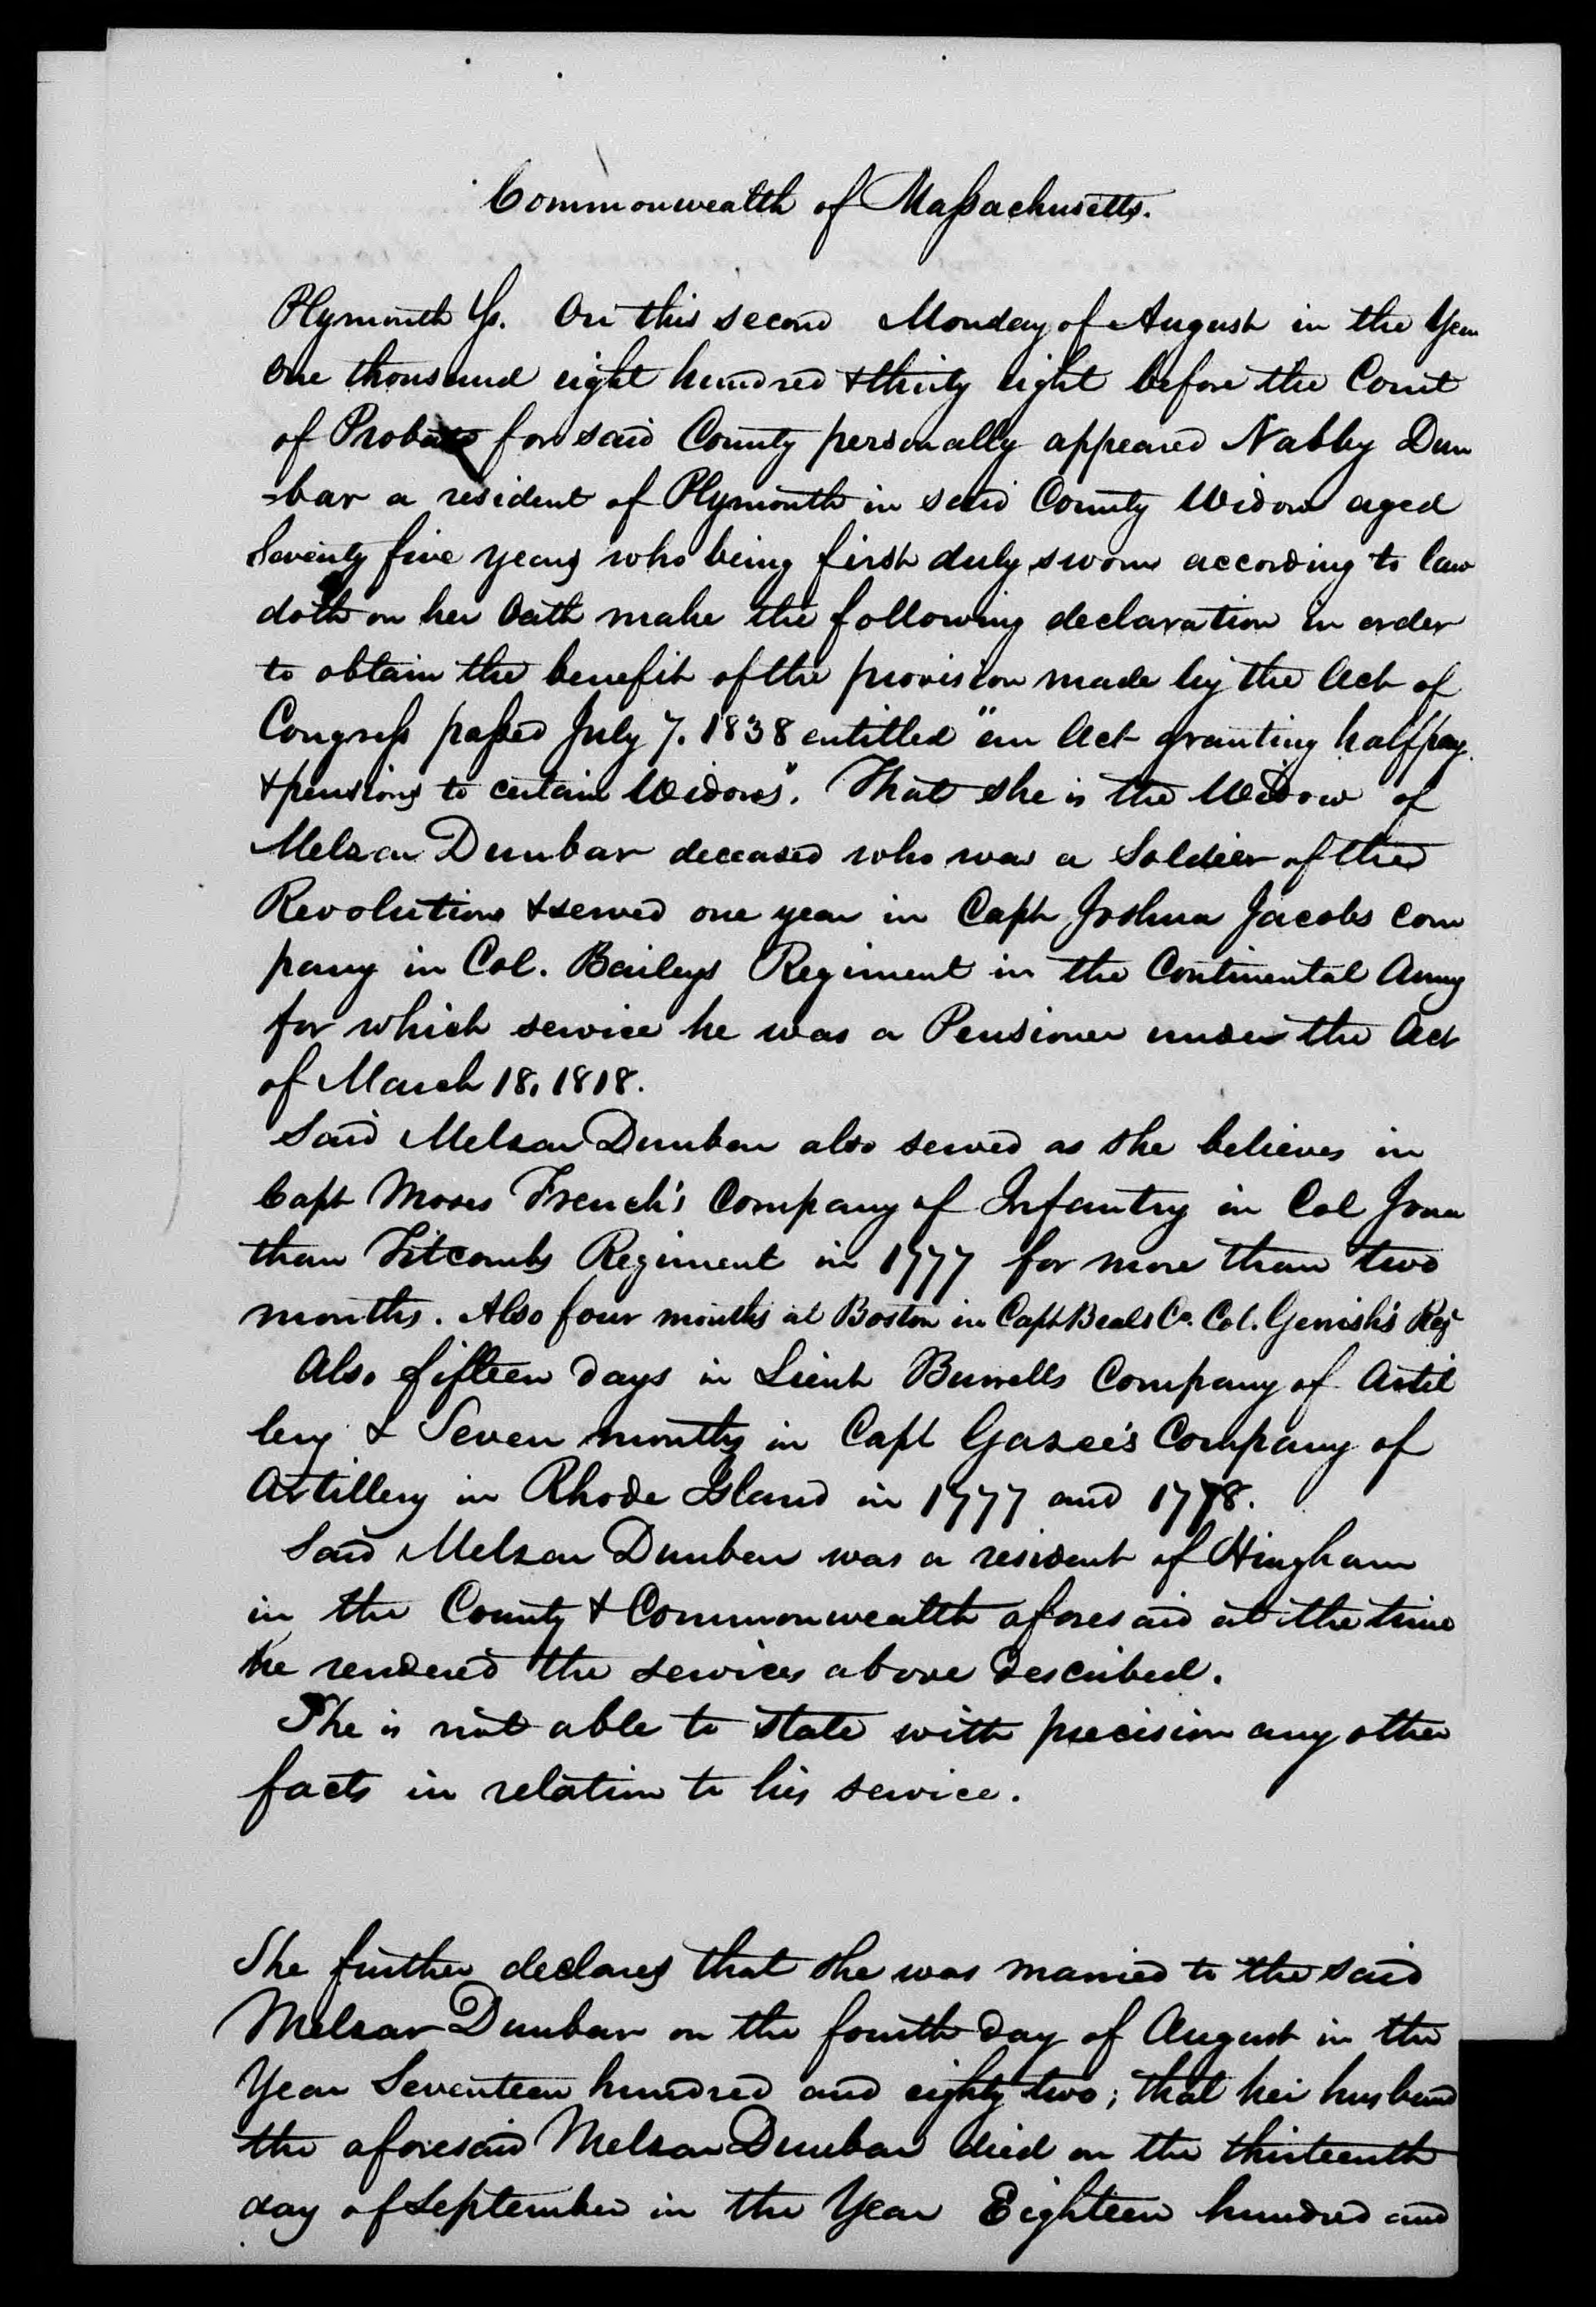Commonwealth of Massachusetts

Plymouth ss.  On this second Monday of August in the year one thousand eight hundred and thirty eight before the Court of Probate for said County personally appeared Nabby Dunbar a resident of Plymouth in said County widow aged seventy five years who being first duly sworn according to law doth on her oath make the following declaration in order to obtain the benefit of the provision made by the Act of Congress passed July 7, 1838 entitled "An Act granting half pay and pensions to certain widows." That she is the widow of Melzar Dunbar deceased who was a Soldier of the Revolution and served one year in Capt. Joshua Jacob's company in Col. Bailey's Regiment in the Continental Army for which service he was a Pensioner under the Act of March 18, 1818.
Said Melzar Dunbar also served as she believes in Capt. Moses French's Company of Infantry in Col. Jonathan Fitcomb's Regiment in 1777 for more than two month.  Also four months at Boston in Capt. Beal's Company Col. Genish's Regt. 
Also fifteen days in Lieut. Burrell's Compnay of Artillery and seven months in Capt. Gasse's Company of Artillery in Rhode Island in 1777 and 1778.
Said Melzar Dunbar was a resident of Hingham in the County and Commonwealth aforesaid at the time he rendered the service above described.
She is not able to state with precision any other facts in relation to his service.

She further declares that she was married to the said Melzar Dunbar on the fourth day of August in the year seventeen hundred and eighty two; that her husband the aforesaid Melzar Dunbar died on the thirteenth day of September in the year eighteen hundred and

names: Melzar Dunbar, Melzar Dunbar, Nabby Dunbar, Melzar Dunbar, Melzar Dunbar, Melzar Dunbar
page: 5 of 26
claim: widow's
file: W. 14657, Melzar Dunbar, Mass.